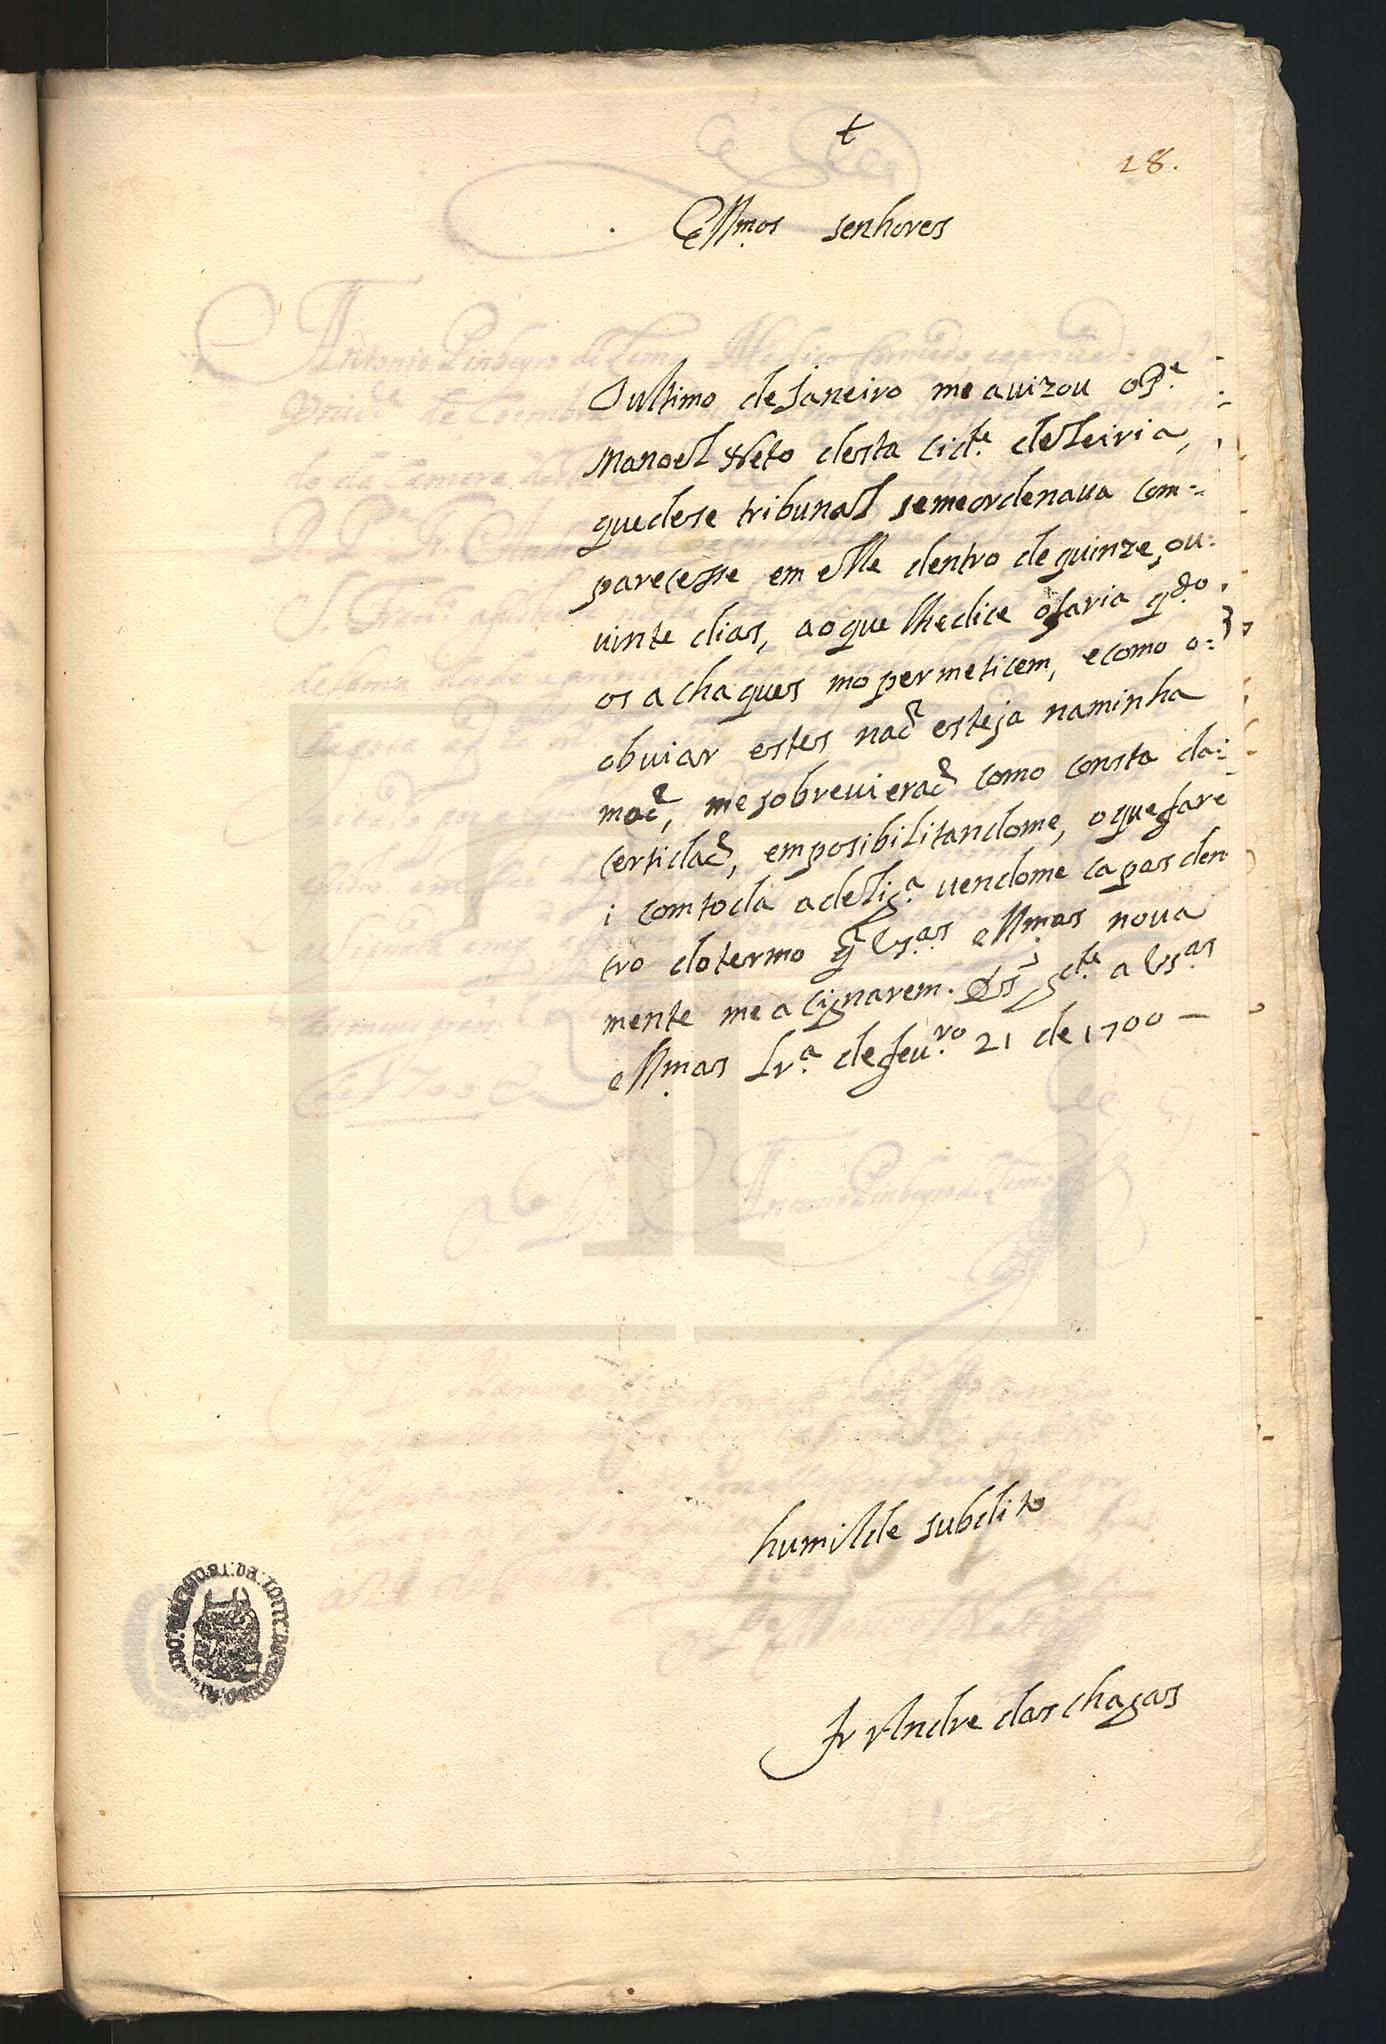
18.
Ell.mos senhores
O ultimo de Ianeiro me auizou o P.e
Manoel Neto desta cid̄.e de Leiria,
que dese tribunal se me ordenaua com
parecesse em elle dentro de quinze, ou
uinte dias, ao que lhe dice o faria q.do
os achaques mo permeticem, e como o
obuiar estes naõ esteja na minha
maõ, me sobreuieraõ como consta da
certidaõ, emposibilitandome, o que fare
i com toda a delig.a uendome capas den
tro do termo q̄ vs.as ell.mas noua
mente me acignarem. Ds̄ gd.e a Vs.as
ell.mas Lx.a de feu.ro 21 de 1700 -
humilde subdito
fr Andre das chagas
